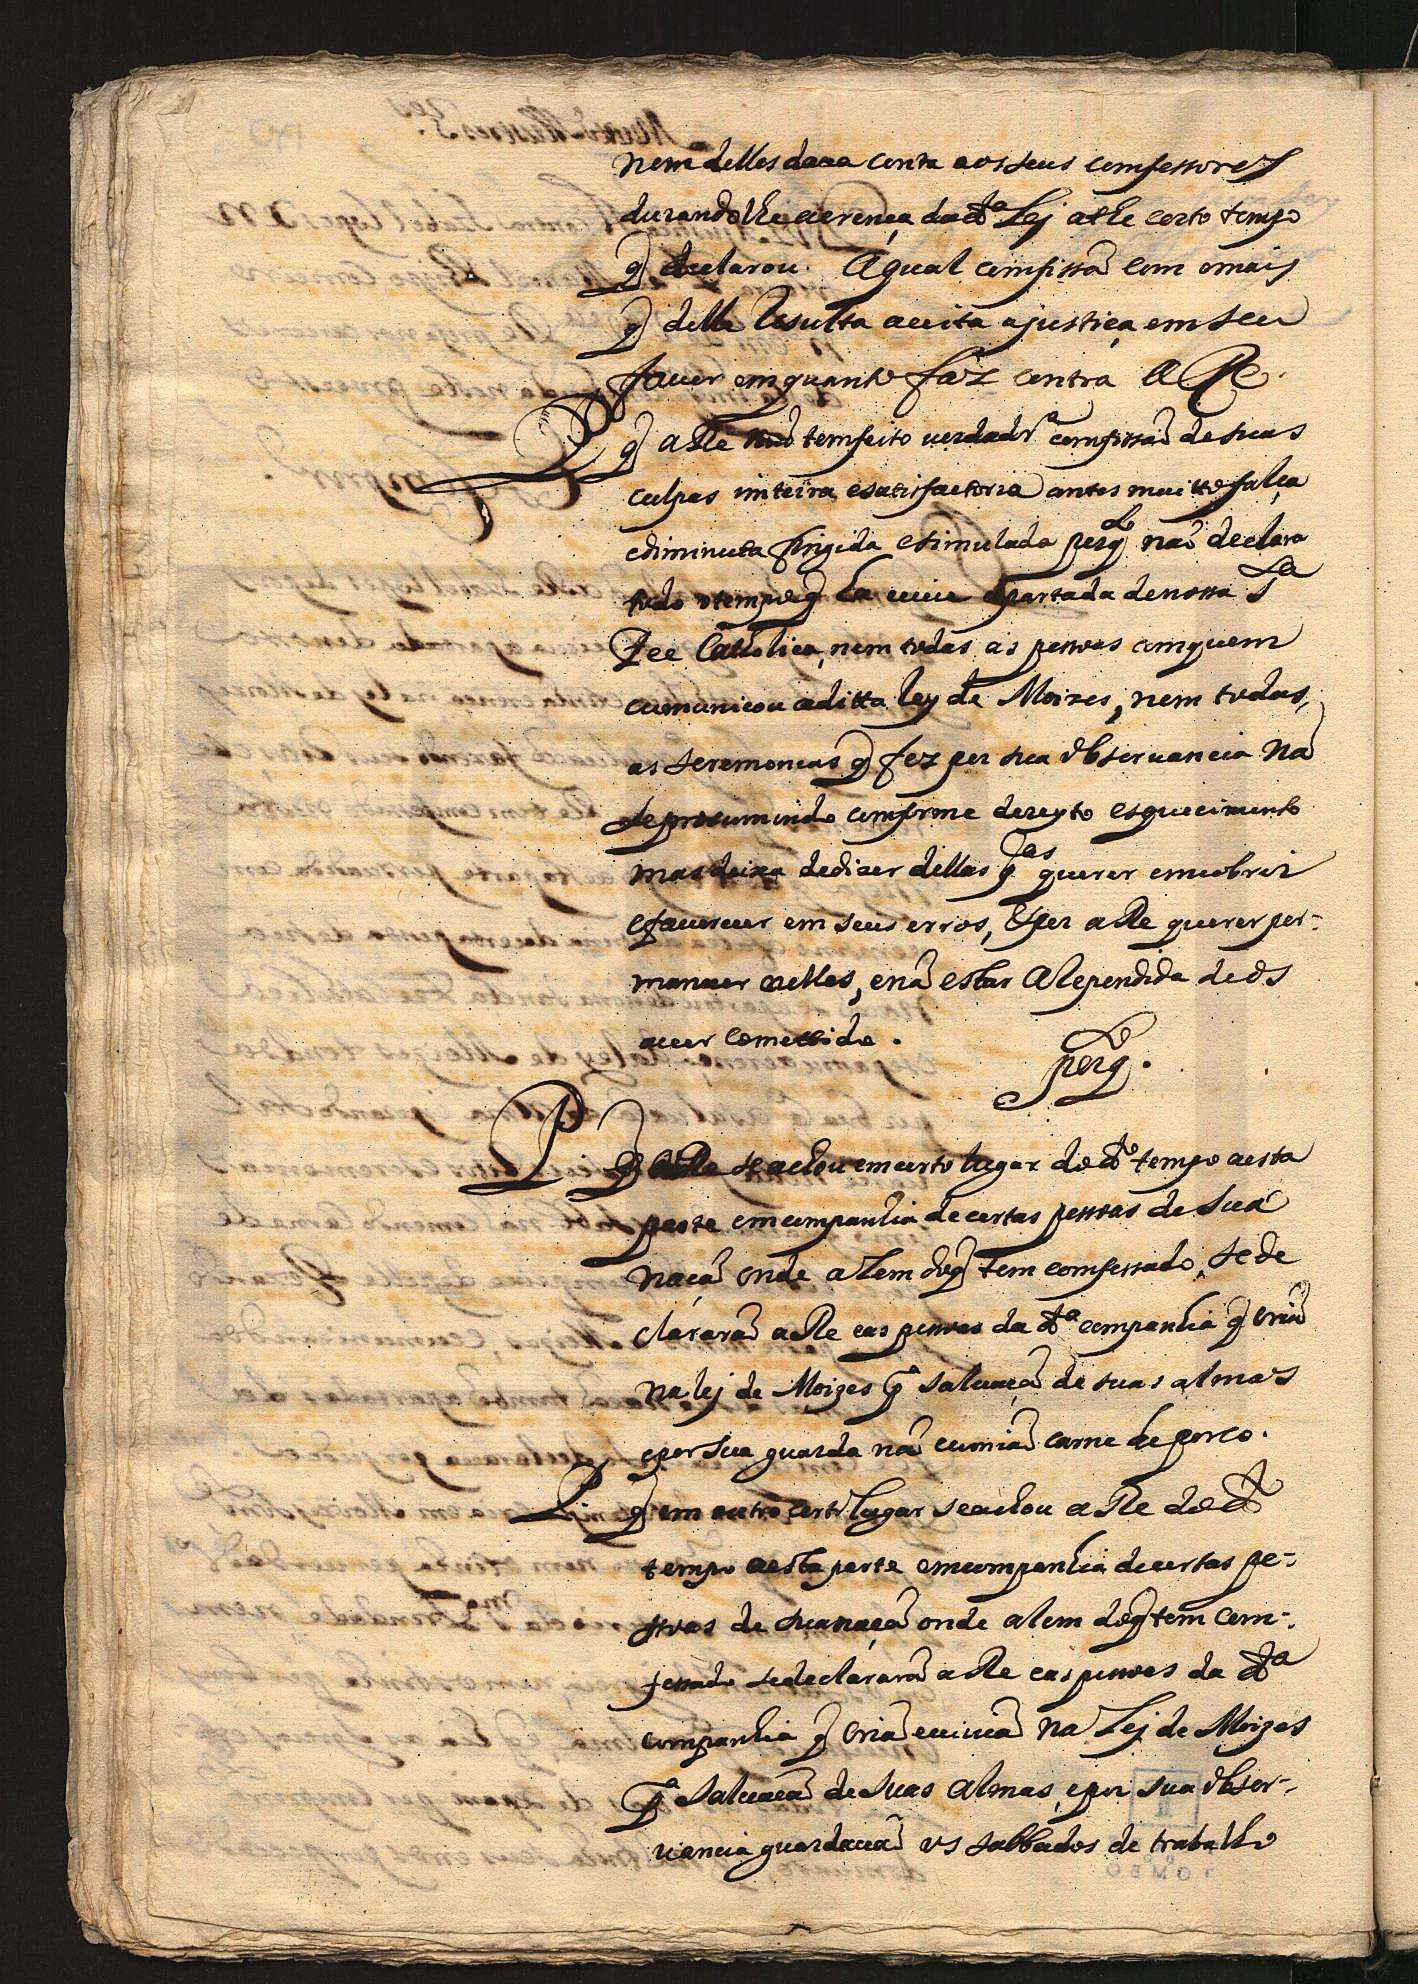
nem delles daua conta aos seus comfessores
durandolhe a crença da d̄a Lej athe certo tempo
q̄ declarou. A qual comfissā com o mais
q̄ della Resulta aceita a justiça em seu
fauor em quanto faz contra a Re.
P q̄ a Re naõ tem feito uerdadra comfissaõ de suas
culpas imteira e satisfactoria antes muitto falça
e diminuta fingida e simulada perqto naõ declara
todo o tempo q̄ ha uiue apartada de nossa Sta
Fee Catholica, nem todas as pessoas com quem
cumunicou a ditta ley de Moizes, nem todas,
as seremonias q̄ fez per sua obseruancia nā
Se prezumindo comforme dereyto esquecimento
mas deixa de dizer dellas plas querer emcobrir
e fauorecer em seus erros, & per a Re querer per
manecer nelles, e nā estar aRependida de os
auer comettido.
perqto.
P q̄ a Re se achou em certo lugar do d̄o tempo a esta
parte em companhia de certas pessoas de Sua
naçā onde alem do q̄ tem comfessado, se de
clararaõ a Re e as pessoas da d̄a companhia q̄ criā
na lej de Moizes pa saluaçā de suas almas
e por sua guarda nā comiaõ carne de porco.
P. q̄ em outro certo lugar se achou a Re do d̄o
tempo a esta parte em companhia de certas pe
ssoas de sua naçā onde alem do q̄ tem com
fessado se declararā a Re e as pessoas da d̄a
companhia q̄ criā e uiuiā na Lej de Moizes
pa Saluacā de Suas almas, e por sua obser
uancia guardauaõ os sabbados de trabalho
